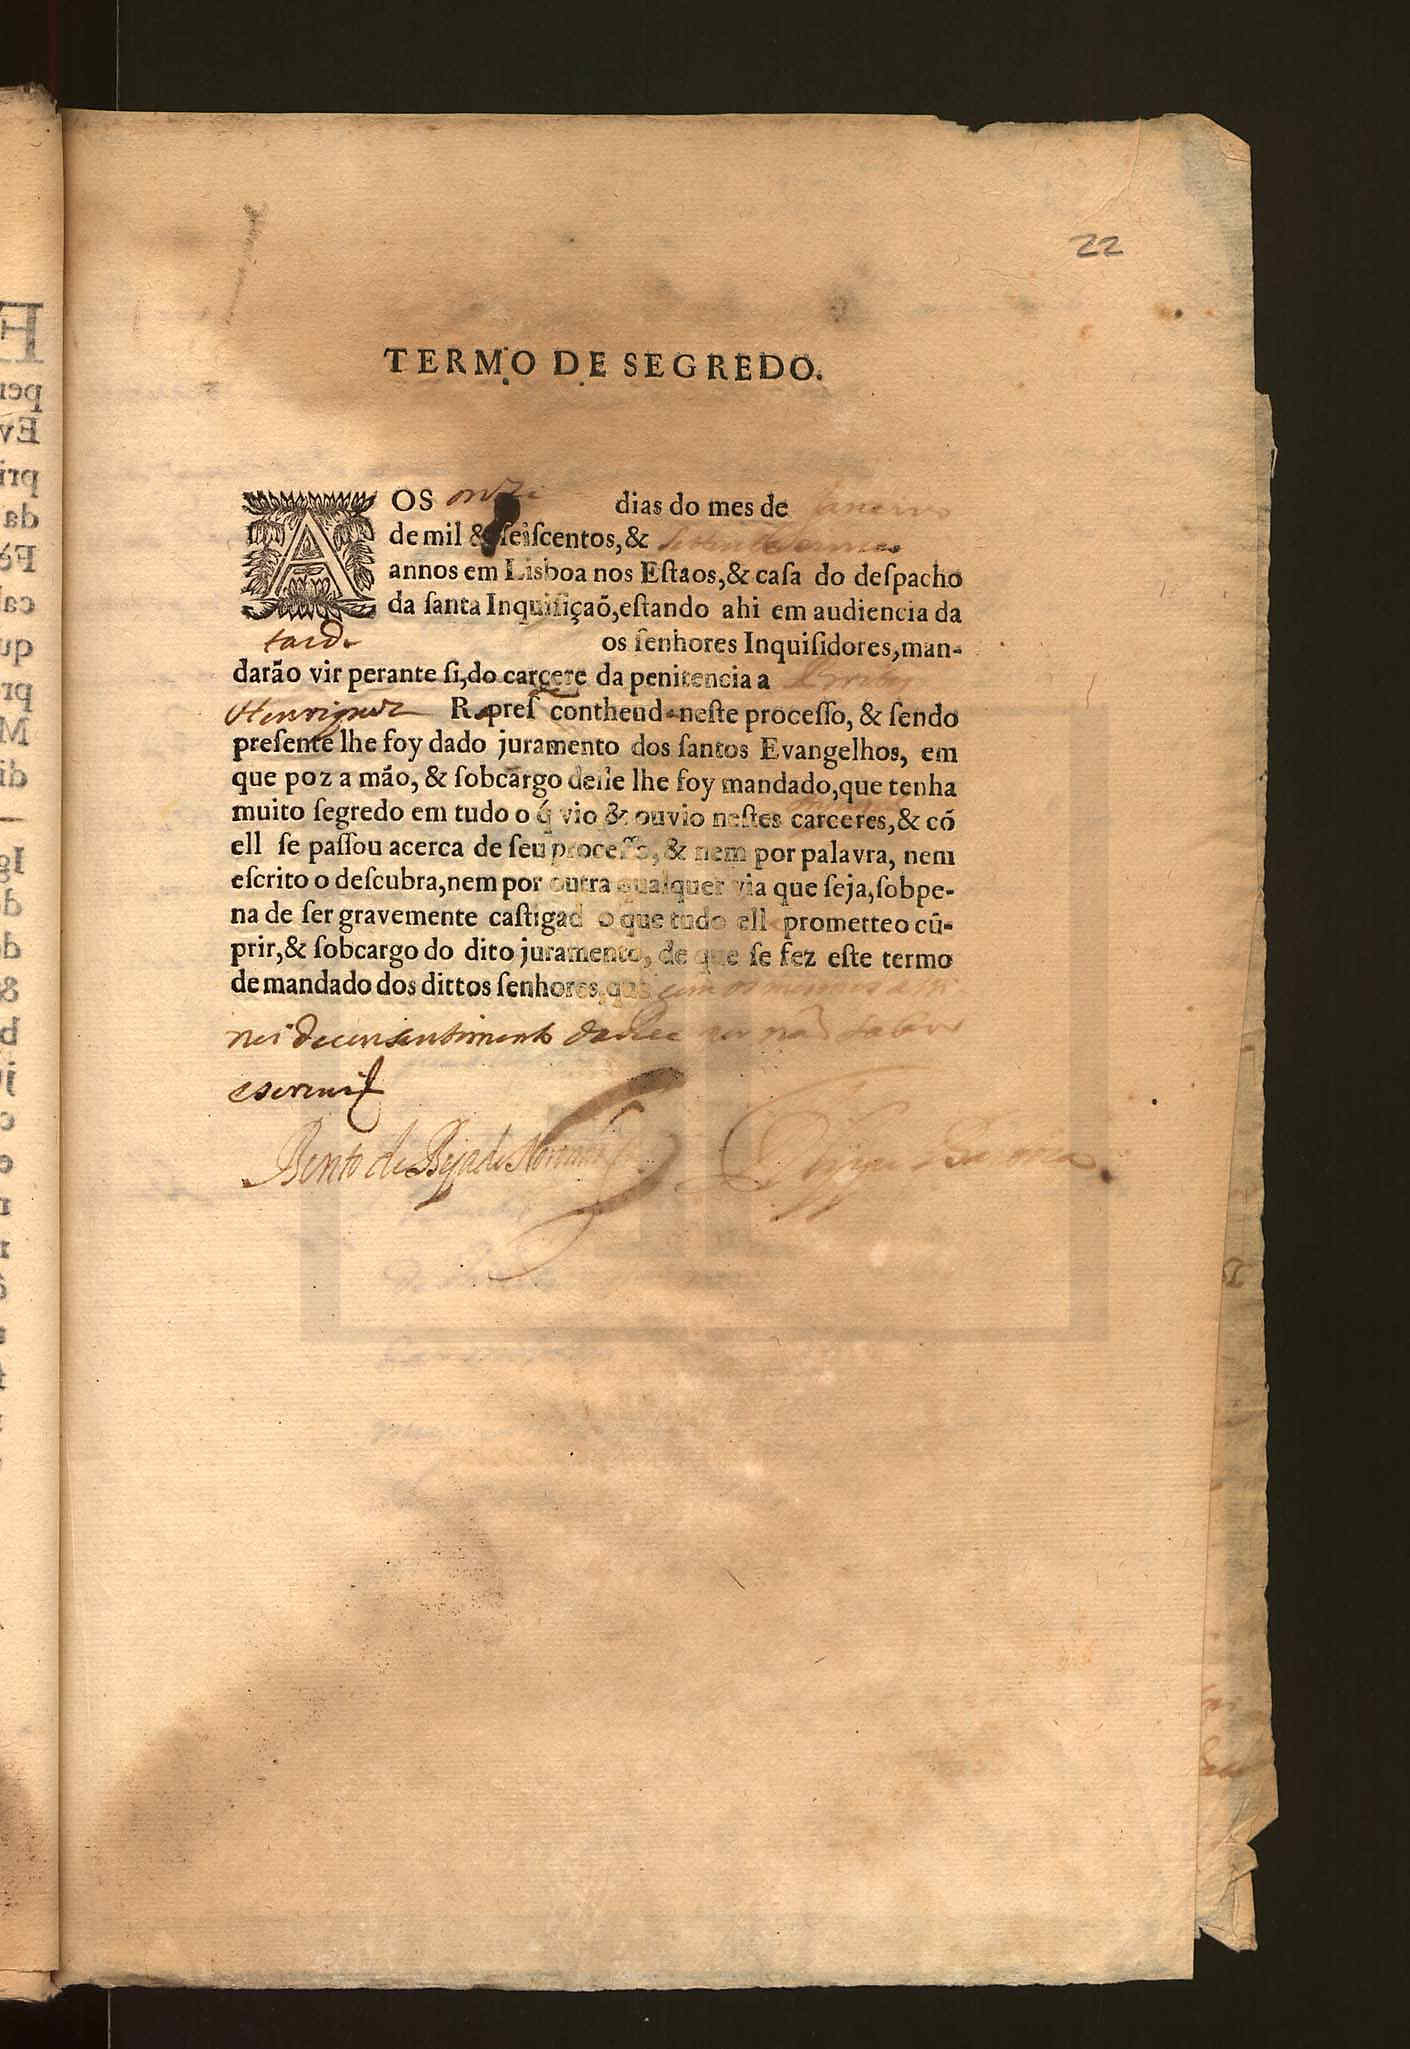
TERMO DE SEGREDO.
AOS onze dias do mes de Janeiro
de mil & seiscentos, & setenta cinco
annos em Lisboa nos Estaos, & casa do despacho
da santa Inquisiçaõ, estando ahi em audiencia da
tarde os senhores Inquisidores, man
darão vir perante si, do carcere da penitencia a Brites
Henriquez R. apreste contheuda neste processo, & sendo
presente lhe foy dado juramento dos santos Evangelhos, em
que poz a mão, & sob cargo delle lhe foy mandado, que tenha
muito segredo em tudo o q̄ vio & ouvio nestes carceres, & cō
ell se passou acerca de seu processo, & nem por palavra, nem
escrito o descubra, nem por outra qualquer via que seja, sob pe
na de ser gravemente castigad o que tudo ell prometteo cū
prir, & sob cargo do dito juramento, de que se fez este termo
de mandado dos dittos senhores, que com os mesmos assi
nei de consentimento da Ree por naõ saber
escreui
